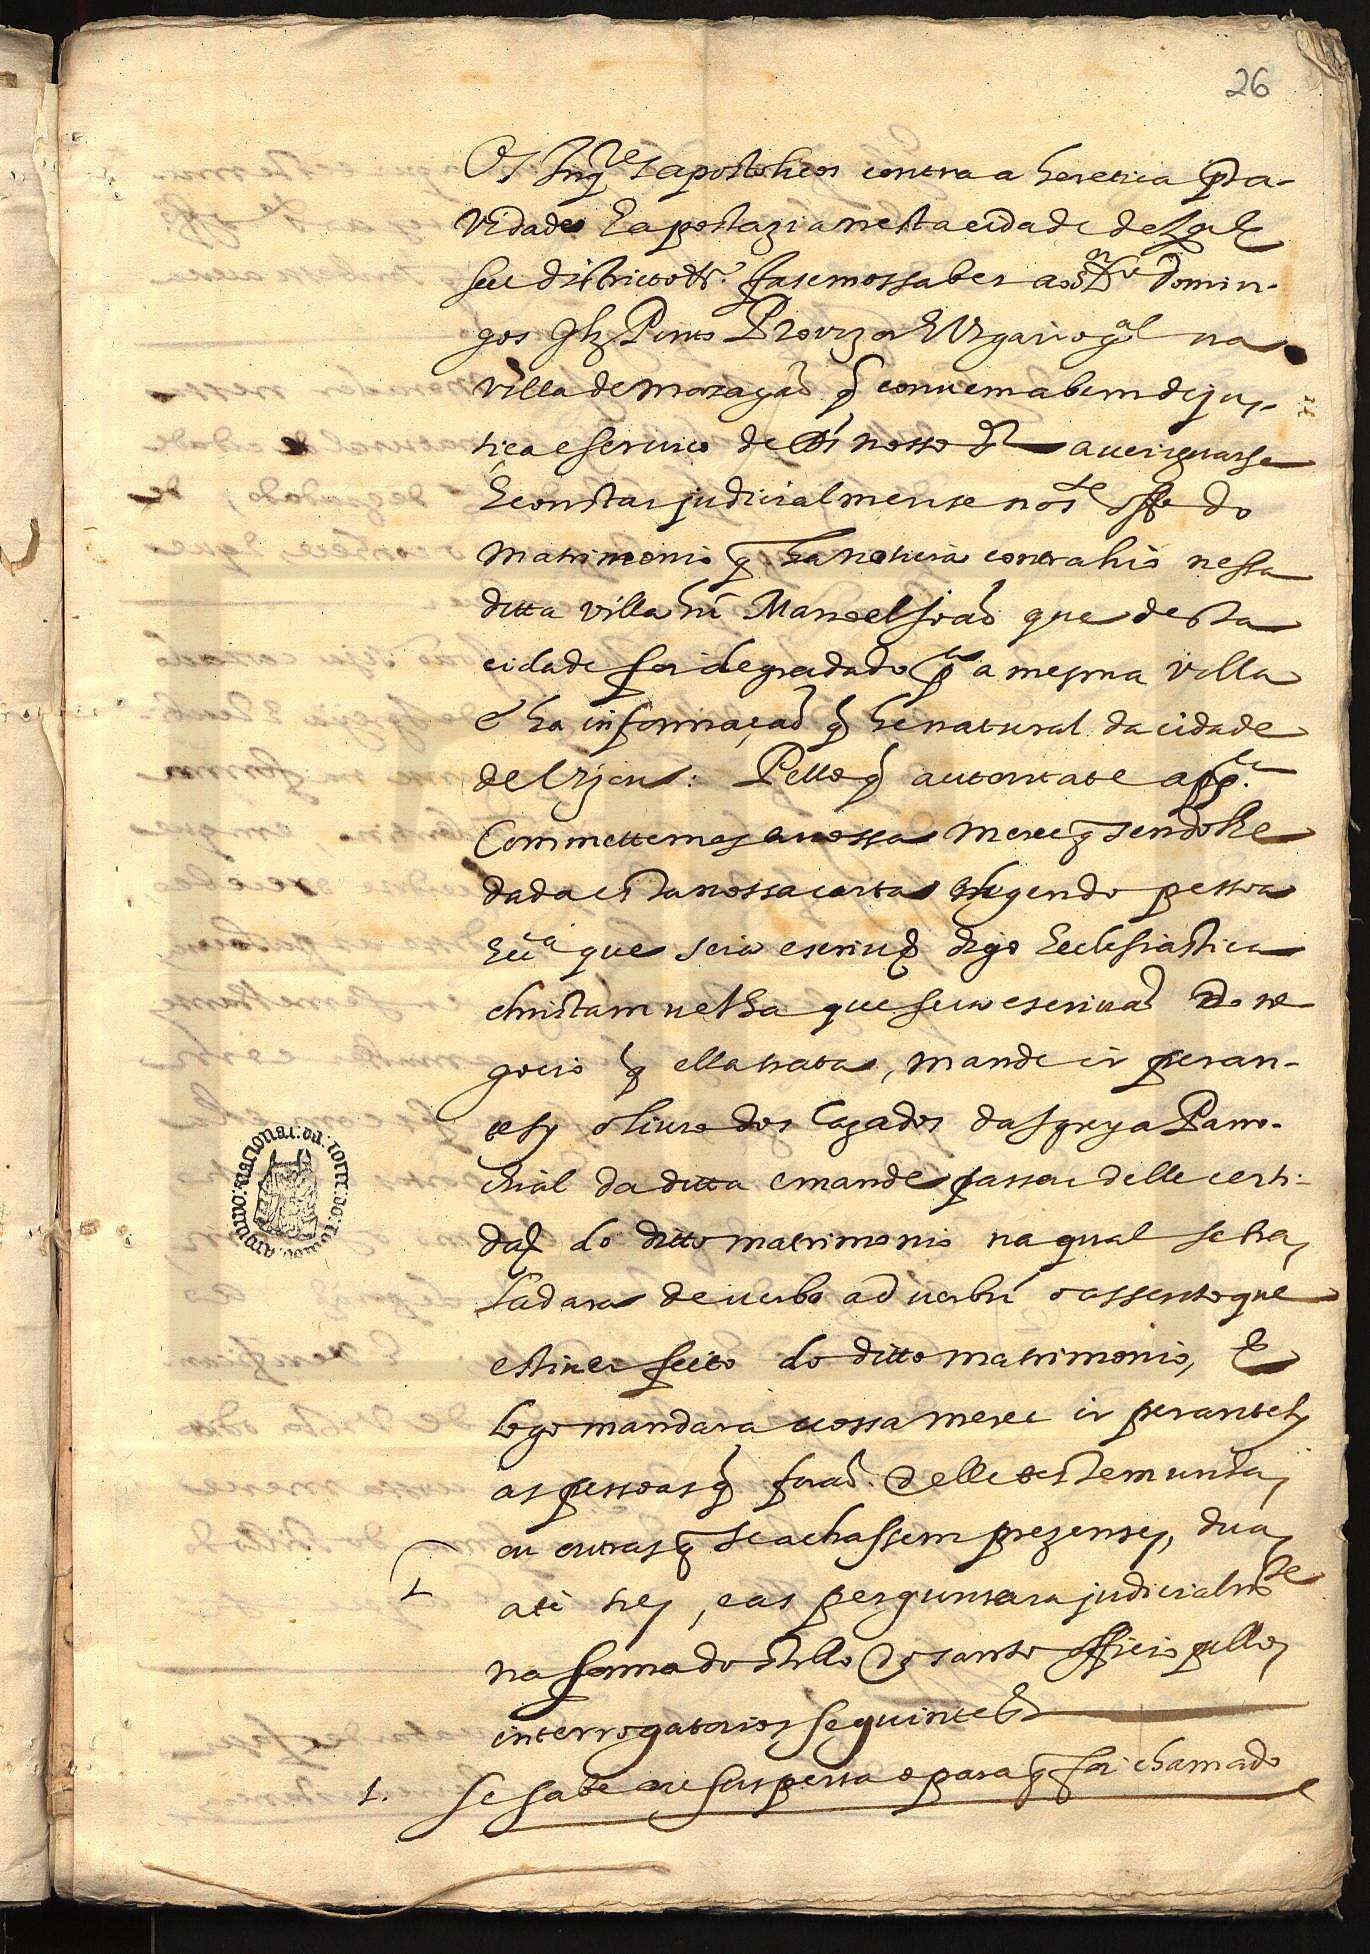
Os Jnqres apostolicos contra a heretica pra
vidade E apostazia nesta cidade de Lxa E
seu districto etc. fasemos saber ao Sr Lo Domin
gos glz Ponte Provizor E Vigario gal na
villa de mazagaõ q̄ conuem a bem de jus
tiça e serviço de Ds̄ nosso Sr aueriguarse
E constar judicialmente no sto offo do
matrimonio q̄ ha noticia contrahia nessa
ditta villa hū Manoel Joaõ que desta
cidade foi degradado pa a mesma villa
e ha informaçaõ q̄ he natural da cidade
de Uizeu: Pello q̄ autoritate app.ca
Commettemos a nossa merce q̄ sendolhe
dada esta nossa carta elegendo pessoa
Eua que seia escrivão digo Ecclesiastica
christam velha que seu escrivaõ no ne
gocio q̄ ella trata, mande ir peran
te sy o livro dos Cazados da Jgreya Parro
chial da ditta e mande passou delle certi
daõ do ditto matrimonio na qual se tras
ladara de verbo ad verbū o assento que
estiver feito do ditto matrimonio, E
logo mandara uossa merce ir perante sy
as pessoas q̄ foraõ delle testemunhas
ou outras q̄ se achassem prezentes, duas
até tres, e as perguntara judicialmte
na forma do stillo do santo officio pellos
interrogatorios seguintes
se sabe ou suspeita o para q̄ foi chamado
